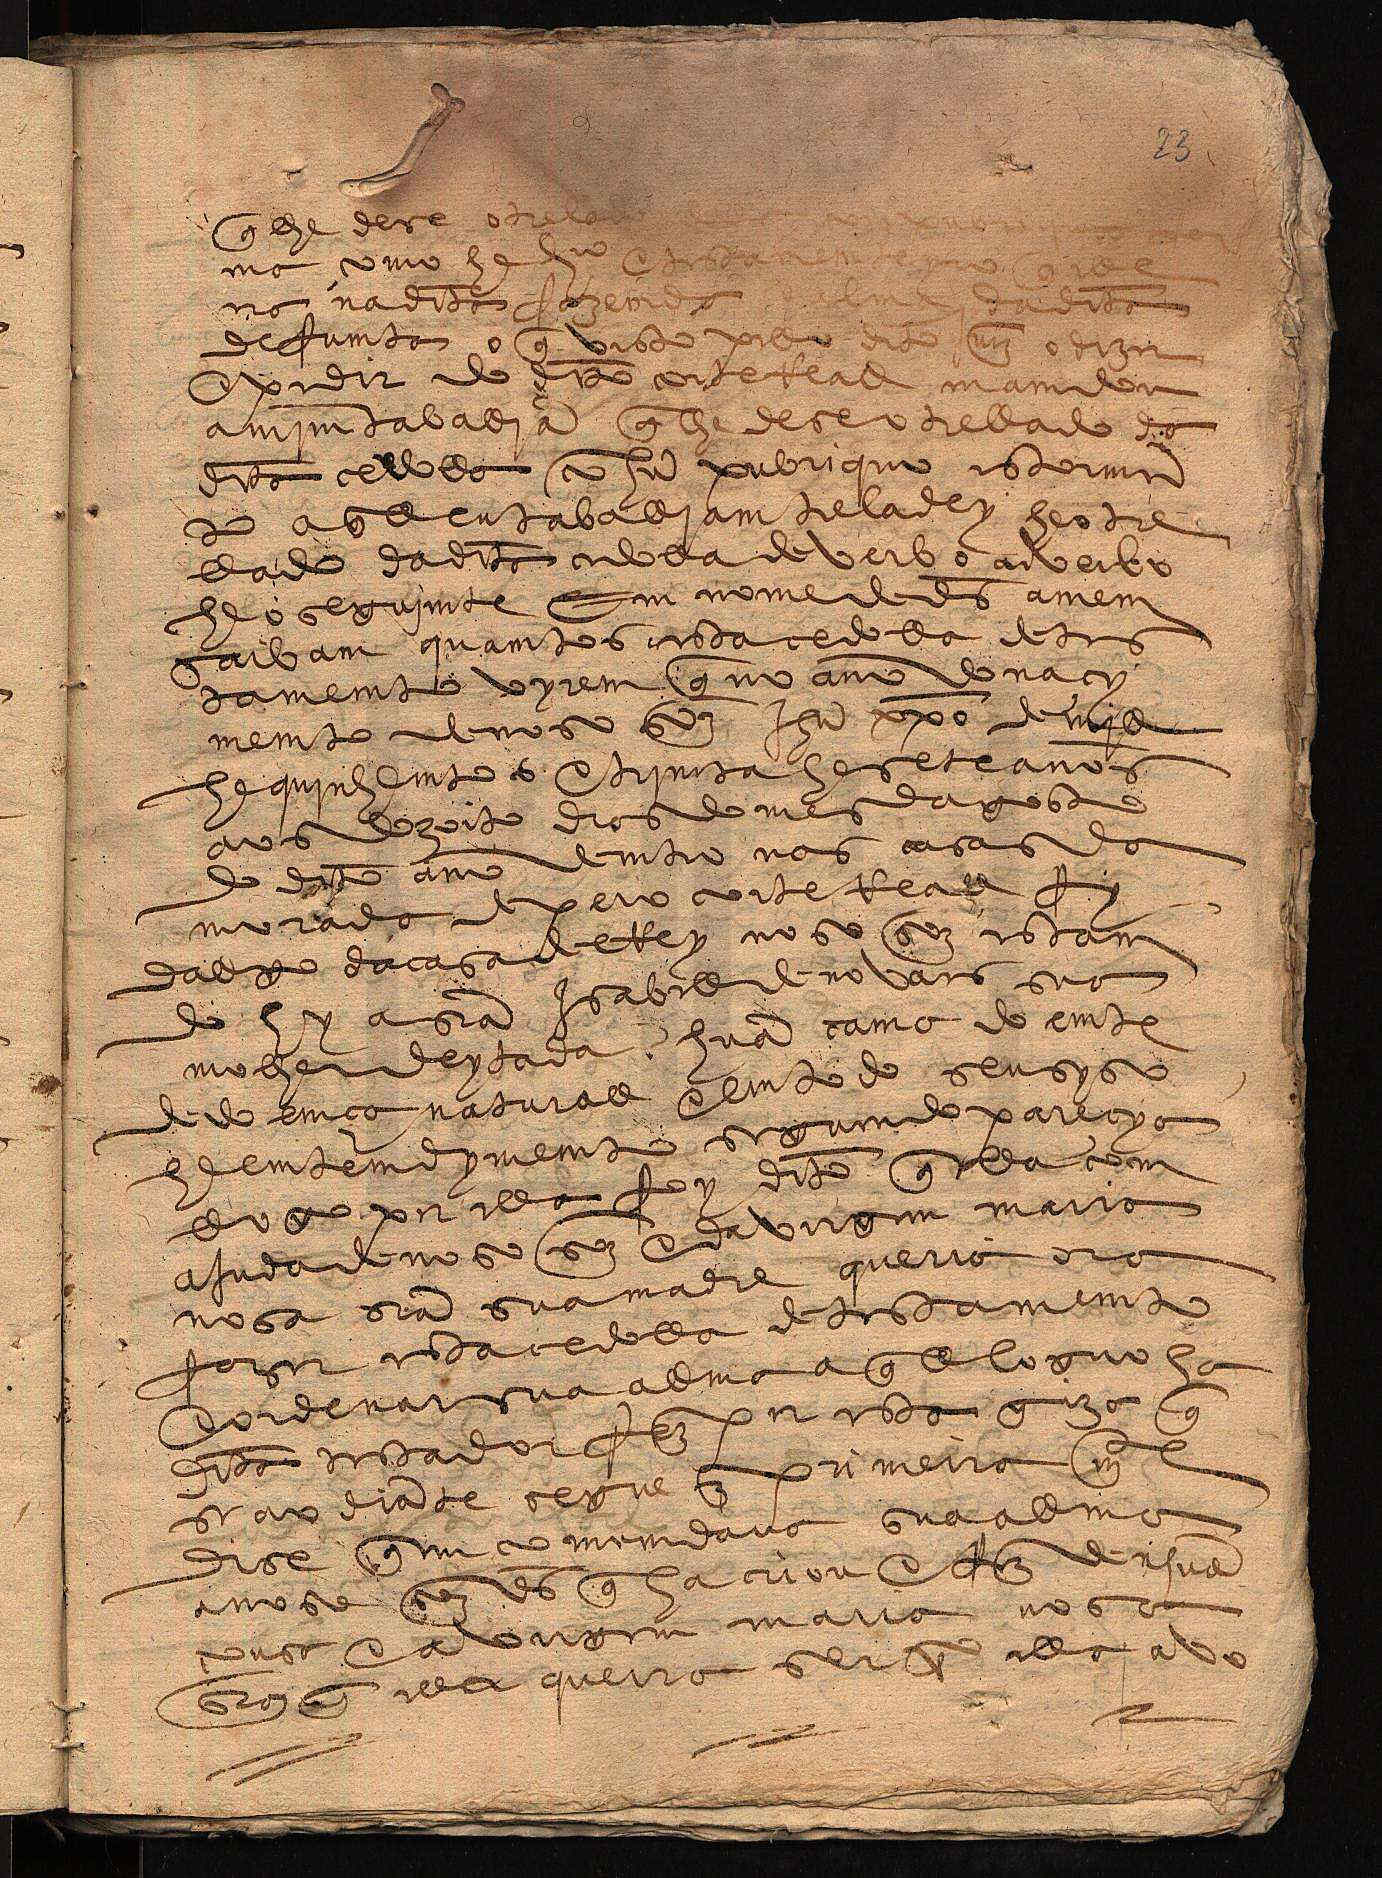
que lhe dese o trelado della com pubriqua for
ma como he hro e testamemteyro q̄ elle
era na dita fazemda e alma da dita
defumta o q̄ visto pello dito Juiz o dizer
e pedir do dito corte Reall mamdou
a mjm taballjam q̄ lhe dese o trellado da
dita cedolla cō hū pubriquo estormē
to a q̄ll eu taballjam treladey he o tre
llado da dita cedolla de verbo a verbo
he o segujmte Em nome de d̄s amem
Saibam quamtos esta cedolla de tes
tamemto vyrem q̄ no an̄o do naçy
memto de noso s̄or Jhū x̄po de mjll
he qujnhemtos e trjmta he sete an̄os
aos dezoito dias do mes dagosto
do dito an̄o demtro nas casas da
morada de pero corte Reall fy
dallgo da casa del Rey noso s̄or estam
do hy a srā Jsabell de novaes sua
molher deytada ē huā cama doemte
de doemça naturall e em todo seu syso
he emtemdymemto segumdo pareçya
llogo per ella foy dito q̄ ella com
aJuda de noso s̄or e da virgem maria
nosa srā sua madre queria ora
fazer esta cedolla de testamemto
e ordenar sua allma a q̄ll loguo ha
dita testador fez per esta giza q̄
se ao diāte segue item primeiramte
dise q̄ emcomemdaua sua allma
a noso s̄or d̄s q̄ ha criou e fez de nhuā
cousa e a virgem maria nosa
srā q̄ ella queira ser p̄o ell avo
